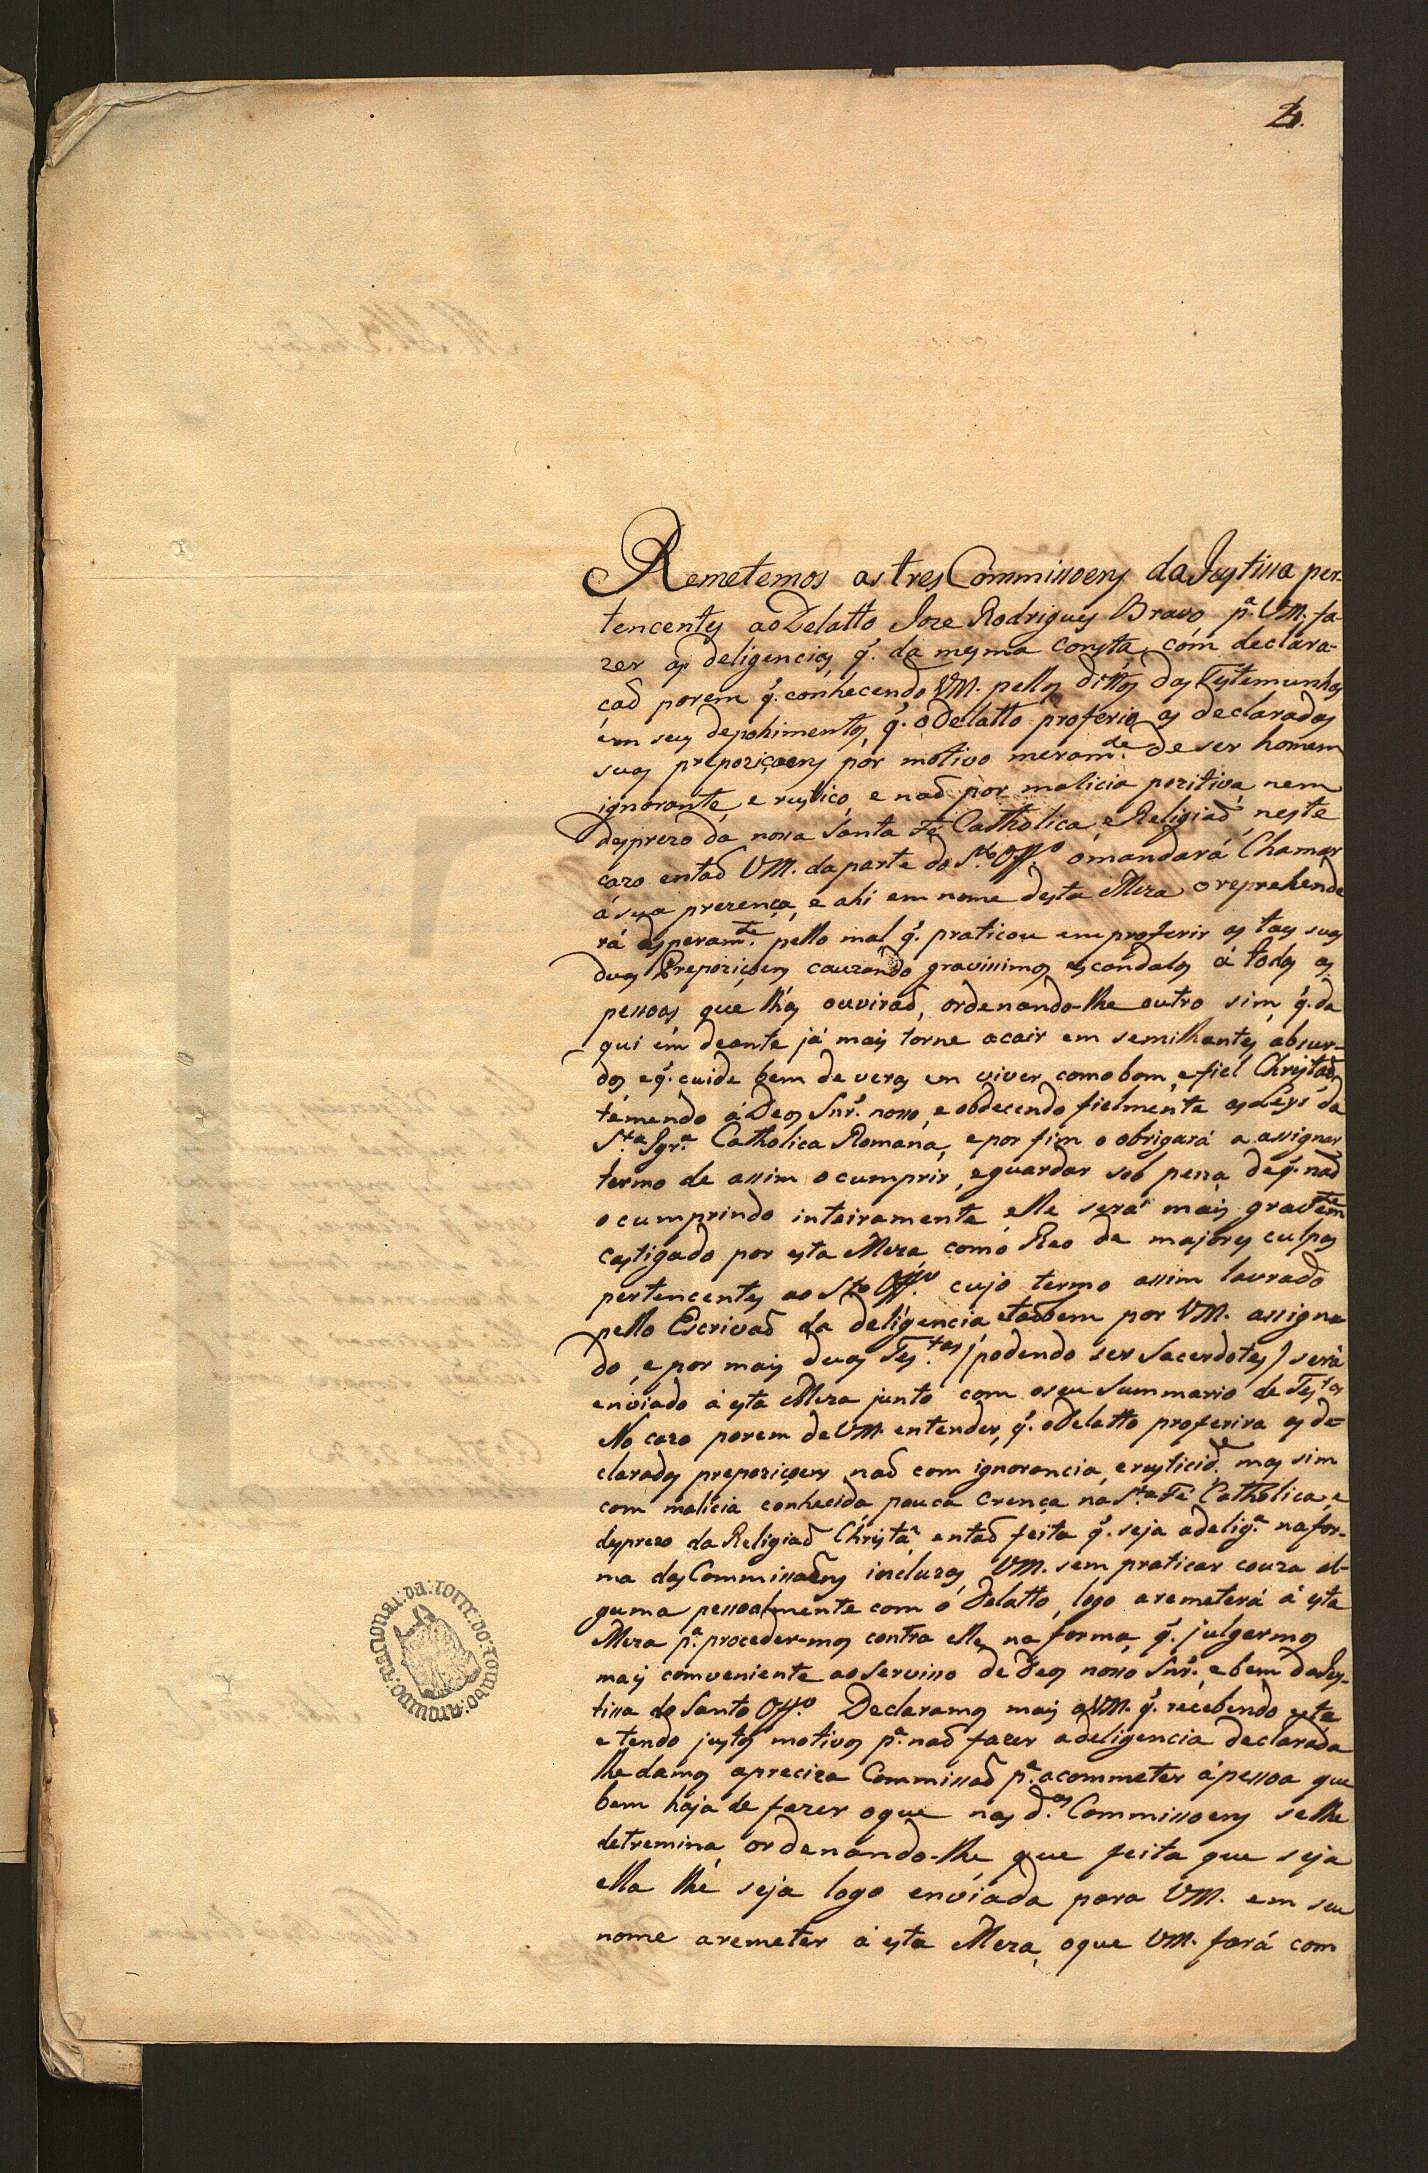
Remetemos a tres Commissoens da Iustissa per
tencentes ao Delatto Ioze Rodrigues Bravo, p.a VM. fa
zer as deligencias, q̄ da mesma consta, com declara
çaõ porem q̄ conhecendo VM. pellos dittos das Testemunhas
em seus depohimenttos, q̄ o Delatto proferio as declaradas
suas prepoziçoens por motivo meram.te de ser homem
ignorante, e rustico, e naõ por malicia pozitiva, nem
desprezo da nossa santa Fé Catholica, e Religiaõ neste
cazo então VM. da parte do S.to Off.o o mandará Chamar
á sua prezença, e ahi em nome desta Meza o reprehende
rá asperam.te pello mal q̄ praticou em proferir as taes suas
duas Prepoziçoens, cauzando gravissimos escandalos á todas as
pessoas que lhas ouviraõ, ordenando-lhe outrosim, q̄ da
qui emdeante jámais torne a cair em semilhantes absur
dos, e q̄ cuide bem deveras em viver como bom, e fiel Christaõ
temendo á Deos Snr̄. nosso, e obdecendo fielmente as Leys da
s.ta Igr.a Catholica Romana, e por fim o obrigará a assignar
termo de assim o cumprir, e guardar sob pena de q̄ naõ
o cumprindo inteiramente elle será mais gravem.te
castigado por esta Meza como Reo de maiores culpas
pertencentes ao s.to Off.o cujo termo assim lavrado
pello Escrivaõ da deligencia taõbem por VM. assigna
do, e por mais duas Tes.tas /podendo ser sacerdotes/ será
enviado a esta Meza junto com o seu Summario de Tes.tas
No cazo porem de VM entender, q̄ o Delatto proferira as de
claradas prepoziçoens, naõ com ignorancia, e rusticid.de mas sim
com malicia conhecida, pouca crença na s.ta Fé Catholica, e
desprezo da Religiaõ Christã, então feita q̄ seja a delig.a na for
ma das Commissoẽns incluzas, VM. sem praticar couza al
guma pessoalmente com o Delatto, logo a remeterá á esta
Meza p.a procederemos contra elle na forma, q̄ julgarmos
mais comveniente ao servisso de Deos nosso Snr̄., e bem da Ius
tissa do santo Off.o Declaramos mais a VM. q̄ recebendo esta
e tendo justos motivos p.a naõ fazer a deligencia declarada
lhe damos a preciza Commissaõ p.a a commeter á pessoa que
bem haja de fazer o que nas d.as Commissoens selhe
detremina, ordenando-lhe, que feita que seja
ella lhe seja logo enviada para VM. em seu
nome a remeter á esta Meza, o que VM. fará com
